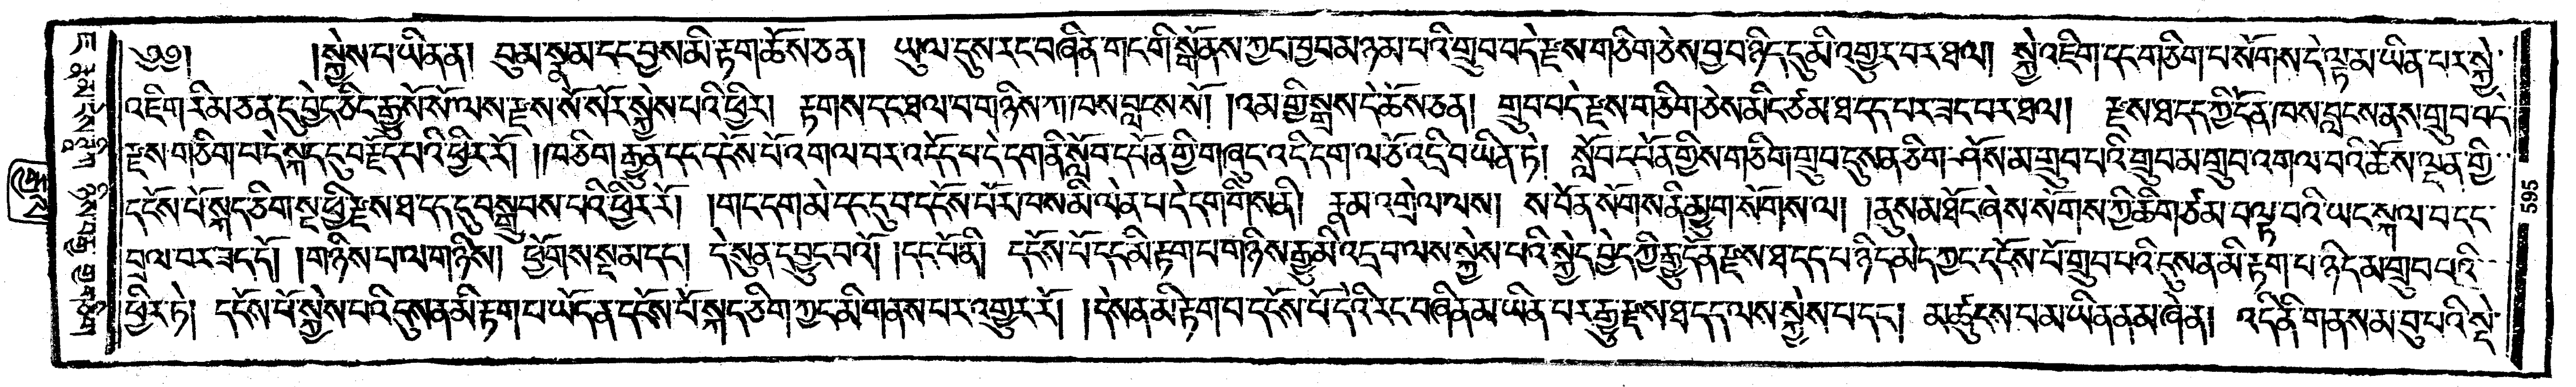༄༅། །སྐྱེས་པ་ཡིན་ན། བུམ་སྣམ་དང་བྱས་མི་རྟག་ཆོས་ཅན། ཡུལ་དུས་རང་བཞིན་གང་གི་སྒོ་ནས་ཀྱང་ཁྱབ་མཉམ་པའི་གྲུབ་བདེ་རྫས་གཅིག་ཅེས་བྱ་བ་ཉིད་དུ་མི་འགྱུར་བར་ཐལ། སྐྱེ་འཇིག་དང་གཅིག་པ་སོགས་དེ་ལྟ་མ་ཡིན་པར་སྐྱེ་
འཇིག་རིམ་ཅན་དུ་བྱེད་ཅིང་རྒྱུ་སོ་སོ་ལས་རྫས་སོ་སོར་སྐྱེས་པའི་ཕྱིར། རྟགས་དང་ཐལ་བ་གཉིས་ཀ་ཁས་བླངས་སོ། །འམ་གྱི་སྒྲས་དེ་ཆོས་ཅན། གྲུབ་བདེ་རྫས་གཅིག་ཅེས་མིང་ཙམ་ཐ་དད་པར་ཟད་པར་ཐལ། རྫས་ཐ་དད་ཀྱི་དོན་ཁས་བླངས་ནས་གྲུབ་བདེ་
རྫས་གཅིག་པ་དེ་སྐད་དུ་བརྗོད་པའི་ཕྱིར་རོ། །ཁ་ཅིག་རྒྱུན་དང་དངོས་པོ་འགལ་བར་འདོད་པ་དེ་དག་ནི་སློབ་དཔོན་གྱི་གཞུང་འདི་དག་ལ་ཅོ་འདྲི་བ་ཡིན་ཏེ། སློབ་དཔོན་གྱིས་གཅིག་གྲུབ་དུས་ན་ཅིག་ཤོས་མ་གྲུབ་པའི་གྲུབ་མ་གྲུབ་འགལ་བའི་ཆོས་ལྡན་གྱི་
དངོས་པོ་སྐད་ཅིག་སྔ་ཕྱི་རྫས་ཐ་དད་དུ་བསྒྲུབས་པའི་ཕྱིར་རོ། །གང་དག་མེ་དང་དུ་བ་དངོས་པོར་ཁས་མི་ལེན་པ་དེ་དག་གིས་ནི། རྣམ་འགྲེལ་ལས། ས་བོན་སོགས་ནི་མྱུག་སོགས་ལ། །ནུས་མཐོང་ཞེས་སོགས་ཀྱི་ཚིག་ཙམ་བལྟ་བའི་ཡང་སྐལ་པ་དང་
བྲལ་བར་ཟད་དོ། །གཉིས་པ་ལ་གཉིས། ཕྱོགས་སྔ་མ་དང་། དེ་སུན་དབྱུང་བའོ། །དང་པོ་ནི། དངོས་པོ་དང་མི་རྟག་པ་གཉིས་རྒྱུ་མི་འདྲ་བ་ལས་སྐྱེས་པའི་སྐྱེད་བྱེད་ཀྱི་རྒྱུ་དོན་རྫས་ཐ་དད་པ་ཉིད་མེད་ཀྱང་དངོས་པོ་གྲུབ་པའི་དུས་ན་མི་རྟག་པ་ཉིད་མ་གྲུབ་པའི་
ཕྱིར་ཏེ། དངོས་པོ་སྐྱེས་པའི་དུས་ན་མི་རྟག་པ་ཡོད་ན་དངོས་པོ་སྐད་ཅིག་ཀྱང་མི་གནས་པར་འགྱུར་རོ། །དེས་ན་མི་རྟག་པ་དངོས་པོ་དེའི་རང་བཞིན་མ་ཡིན་པར་རྒྱུ་རྫས་ཐ་དད་ལས་སྐྱེས་པ་དང་། མཚུངས་པ་མ་ཡིན་ནམ་ཞེ་ན། འདི་ནི་གནས་མ་བུ་པའི་སྡེ་